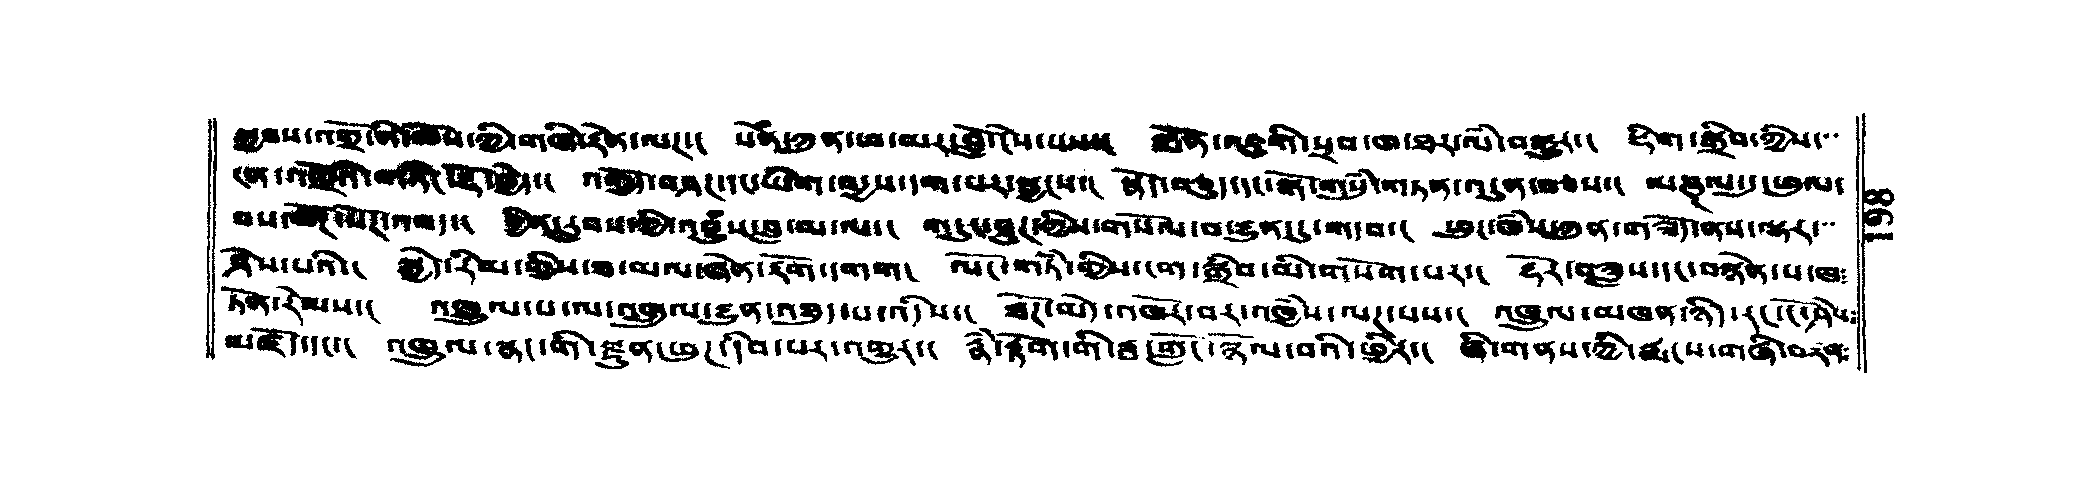།སྐྱབས་འགྲོ་ནི་ཆོས་ཀྱི་གཞི་རྟེན་ལགས། །སེམས་ཅན་ཀུན་ཕ་མར་བློ་ངེས་པས། །སྨོན་འཇུག་གི་སྲབ་ཁ་ཐར་ལམ་བསྒྱུར། །སྡིག་སྒྲིབ་ཀྱིས་
ངན་འགྲོའི་གཏིང་རྡོ་བྱེད། །འགྱོད་བཤགས་དང་ཡིག་བརྒྱས་དག་པར་སྦྱངས། །སྣོད་བཅུད་དང་སྒོ་གསུམ་གཏན་འདུན་བཅས། །མཎྜལ་ཕུལ་
བས་ཚོགས་སོགས་འབད། །བྱིན་རླབས་ཀྱི་འབྱུང་གནས་བླ་མ་ལ། །གདུང་ཤུགས་ཀྱིས་གསོལ་བ་རྒྱུན་དུ་གདབ། །ཕུང་ཁམས་ཀུན་གཟོད་ནས་ལྷར་
ཤེས་པའི། །བསྐྱེད་རིམ་གྱིས་ཐ་མལ་ཞེན་རྟོག་དགག །ལོང་གཏམ་གྱིས་ངག་སྒྲིབ་མི་གསོག་པར། །རྡོར་བཟླས་དང་སྙེན་པ་ཁ་
ཏོན་རེམས། །འཁྲུལ་པ་ལ་འཁྲུལ་རྒྱུན་འཐུད་པ་འདིས། །ཐོགས་མེད་འཁོར་བར་འཁྱམས་ལགས་པས། །འཁྲུལ་མཁན་ཉིད་རང་ངོ་ཤེས་
མཛོད་དང་། །འཁྲུལ་སྣང་གི་རྫུན་ཕུགས་དིབ་པར་འགྱུར། །རྣམ་རྟོག་གི་རྦ་ཀློང་སྙོལ་བའི་ཕྱིར། །ཞི་གནས་ཀྱི་རྨང་གཞི་བརྟན་